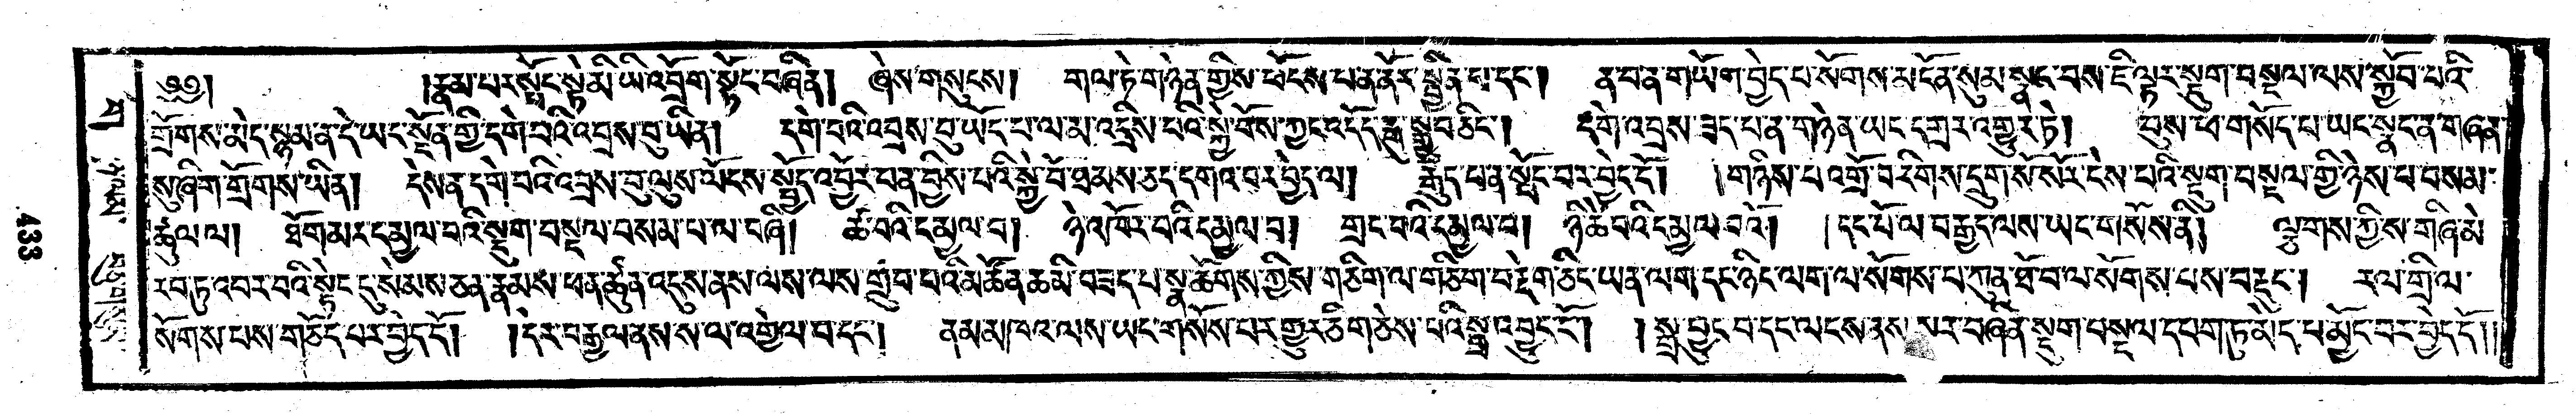༄༅། །རྣམ་པར་སྤོང་སྟེ་མི་ཡི་འབྲོག་སྟོང་བཞིན། ཞེས་གསུངས། གལ་ཏེ་གཉེན་གྱིས་ཕོངས་པ་ན་ནོར་སྤྱིན་པ་དང་། ན་བ་ན་གཡོག་བྱེད་པ་སོགས་མངོན་སུམ་སྣང་བས་ཇི་ལྟར་སྡུག་བསྔལ་ལས་སྐྱོབ་པའི་
གྲོགས་མེད་སྙམ་ན་དེ་ཡང་སྔོན་གྱི་དགེ་བའི་འབྲས་བུ་ཡིན། དགེ་བའི་འབྲས་བུ་ཡོད་པ་ལ་མ་འདྲིས་པའི་སྐྱེ་བོས་ཀྱང་འདོད་རྒུ་སྒྱུབ་ཅིང་། དགེ་འབྲས་ཟད་པ་ན་གཉེན་ཡང་དགྲར་འགྱུར་ཏེ། བུས་ཕ་གསོད་པ་ཡང་སྣང་ན་གཞན་
སུ་ཞིག་གྲོགས་ཡིན། དེས་ན་དགེ་བའི་འབྲས་བུ་ལུས་ལོངས་སྤྱོད་འབྱོར་བ་ན་བྱིས་པའི་སྐྱེ་བོ་ཐམས་ཅད་དགའ་བར་བྱེད་ལ། རྒུད་པ་ན་སྤོང་བར་བྱེད་དོ། །གཉིས་པ་འགྲོ་བ་རིགས་དྲུག་སོ་སོར་ངེས་པའི་སྡུག་བསྔལ་གྱི་ཉེས་པ་བསམ་
ཚུལ་ལ། ཐོག་མར་དམྱལ་བའི་སྡུག་བསྔལ་བསམ་པ་ལ་བཞི། ཚ་བའི་དམྱལ་བ། ཉེ་འཁོར་བའི་དམྱལ་བ། གྲང་བའི་དམྱལ་བ། ཉི་ཚེ་བའི་དམྱལ་བའོ། །དང་པོ་ལ་བརྒྱད་ལས་ཡང་གསོས་ནི། ལྕགས་ཀྱི་ས་གཞི་མེ་
རབ་ཏུ་འབར་བའི་སྟེང་དུ་སེམས་ཅན་རྣམས་ཕན་ཚུན་འདུས་ནས་ལས་ལས་གྲུབ་པའི་མཚོན་ཆ་མི་བཟད་པ་སྣ་ཆོགས་ཀྱིས་གཅིག་ལ་གཅིག་བརྡེ་ག་ཅིང་ཡན་ལག་དང་ཉིང་ལག་ལ་སོགས་པ་ཀུན་ཐོ་བ་ལ་སོགས་པས་བརྡུང་། རལ་གྲི་ལ་
སོགས་པས་གཅོད་པར་བྱེད་དོ། །དེར་བརྒྱལ་ནས་ས་ལ་འགྱེལ་བ་དང་། ནམ་མཁའ་ལས་ཡང་གསོས་བར་གྱུར་ཅི་གཅེས་པའི་སྒྲ་འབྱུང་ངོ། །སྒྲ་བྱུང་བ་དང་ལངས་ནས་སར་བཞིན་སྡུག་བསྔལ་དཔག་ཏུ་མེད་པ་མྱོང་བར་བྱེད་དོ། །